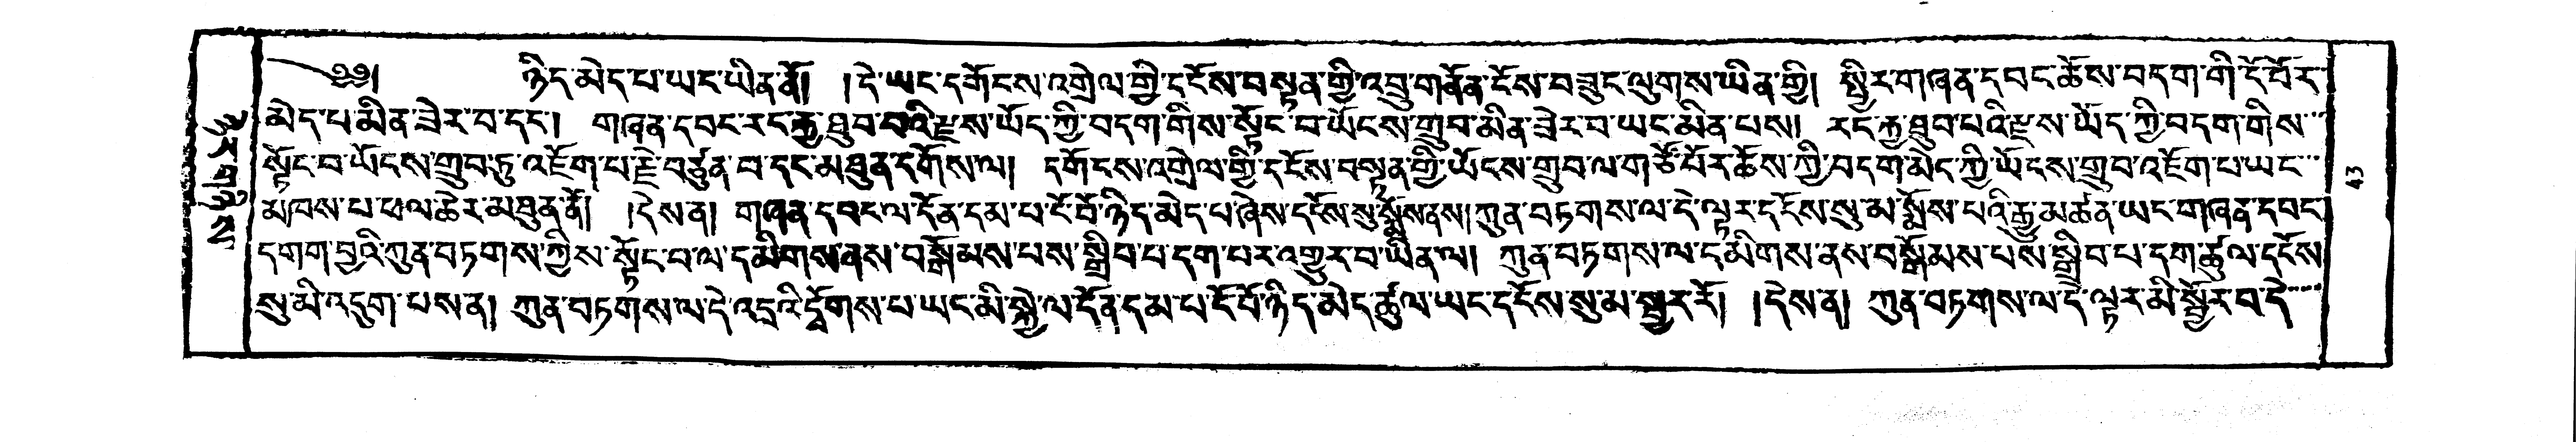༄༅། །ཉིད་མེད་པ་ཡང་ཡིན་ནོ། །དེ་ཡང་དགོངས་འགྲེལ་གྱི་དངོས་བསྟན་གྱི་འབྲུ་གནོན་ངོས་བཟུང་ལུགས་ཡིན་གྱི། སྤྱིར་གཞན་དབང་ཆོས་བདག་གི་ངོ་བོར་
མེད་པ་མིན་ཟེར་བ་དང་། གཞན་དབང་རང་རྐྱ་ཐུབ་པའི་རྫས་ཡོད་ཀྱི་བདག་གིས་སྟོང་བ་ཡོངས་གྲུབ་མིན་ཟེར་བ་ཡང་མིན་པས། རང་རྐྱ་ཐུབ་པའི་རྫས་ཡོད་ཀྱི་བདག་གིས་
སྟོང་བ་ཡོངས་གྲུབ་ཏུ་འཇོག་པ་རྗེ་བཙུན་བ་དང་མཐུན་དགོས་ལ། དགོངས་འགྲེལ་གྱི་དངོས་བསྟན་གྱི་ཡོངས་གྲུབ་ལ་གཙོ་བོར་ཆོས་ཀྱི་བདག་མེད་ཀྱི་ཡོངས་གྲུབ་འཇོག་པ་ཡང་
མཁས་པ་ཕལ་ཆེར་མཐུན་ནོ། །དེས་ན། གཞན་དབང་ལ་དོན་དམ་པ་ངོ་བོ་ཉིད་མེད་པ་ཞེས་དངོས་སུ་སྨོས་ནས། ཀུན་བཏགས་ལ་དེ་ལྟར་དངོས་སུ་མ་སྨོས་པའི་རྒྱུ་མཚན་ཡང་གཞན་དབང་
དགག་བྱའི་ཀུན་བཏགས་ཀྱིས་སྟོང་བ་ལ་དམིགས་ནས་བསྒོམས་པས་སྒྲིབ་པ་དག་པར་འགྱུར་བ་ཡིན་ལ། ཀུན་བཏགས་ལ་དམིགས་ནས་བསྒོམས་པས་སྒྲིབ་པ་དག་ཚུལ་དངོས་
སུ་མི་འདུག་པས་ན། ཀུན་བཏགས་ལ་དེ་འདྲའི་དྭོགས་པ་ཡང་མི་སྐྱེ་ལ་དོན་དམ་པ་ངོ་བོ་ཉིད་མེད་ཚུལ་ཡང་དངོས་སུ་མ་སྦྱར་རོ། །དེས་ན། ཀུན་བཏགས་ལ་དེ་ལྟར་མི་སྦྱོར་བ་དེ་